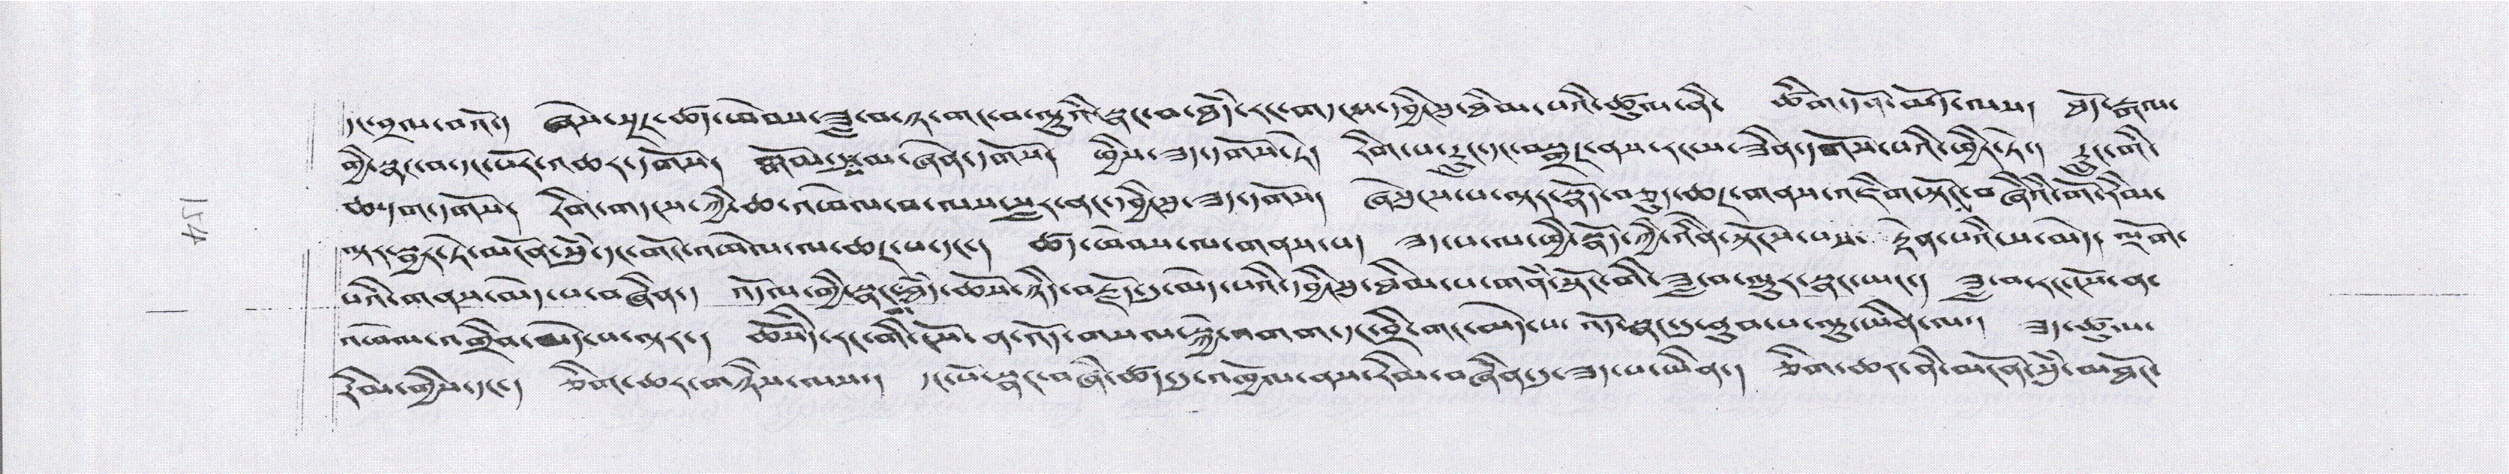དང་བྲལ་བའོ། ཞེས་སྔགས་ཚད་ཕེབས་ཟླ་བ་ཉ་གང་བ་ལྟ་བུའི་སྣང་བ་ཐམས་ཅད་རང་གདངས་དབྱིངས་སུ་ཐིམ་པའི་ཚུལ་ནི། ཚིག་དོན་མཛོད་ལས། ཐོད་རྒལ་
གྱི་སྣང་བ་དང་པོར་འཆར་དགོས། སྒོམ་དུས་མ་ཞེན་དགོས། ཕྱིས་ཟད་དགོས་ཏེ། རིག་པ་རླུང་དང་སྦྲགས་ནས་རང་ས་ཟིན་དགོས་པའི་ཕྱིར་ཏེ། རླུང་གི་
ཆ་དག་དགོས། རིག་གདང་གི་ཆ་འཕེལ་བ་ལས་སླར་ནང་དབྱིངས་སུ་ཟད་དགོས། ཞེས་གསུངས་པ་ལྟར་སྣོད་བཅུད་ཆགས་གནས་འཇིག་སྟོང་བཞིའི་གོ་རིམ་
ལྟར་སྦྱར་ཏེ་མངོན་སུམ་དང་གོང་འཕེལ་ལ་ཆགས་པ་དང་། ཚད་ཕེབས་ལ་གནས་པ། ཟད་པ་ལ་ཕྱི་སྣོད་ཀྱི་འཇིག་རྟེན་སྟོངས་པས་རྟག་པའི་རྟེན་ས་མེད། ལྡོག་
པའི་གནས་མེད་པ་བཞིན། འོད་གསལ་གྱི་སྣང་བ་ཐམས་ཅད་ཆོས་ཉིད་བརྗོད་དུ་མེད་པའི་དབྱིངས་སུ་ཐིམ་པ་གནམ་སྟོང་གི་ཟླ་བ་ལྟ་བུར་སྣང་ཡང་ཟླ་བ་རང་ངོས་ནས་
འཕེལ་འགྲིབ་མེད་པ་ལྟར། ཆོས་ཉིད་རང་གི་ངོས་ནས་འོད་གསལ་སྐྱེ་འགག་དང་བྲི་གང་མེད་པ་འོད་སྣང་དུ་ནུབ་པ་ལྟ་བུ་ཡིན་ལ། ཟད་ཚུལ་
རིམ་གྱིས་དང་ཅིག་ཅར་གཉིས་ལས། དང་པོ་སྣང་བཞི་ཚད་དུ་འཁྱོལ་ནས་རིམ་བཞིན་དུ་ཟད་པ་ཡིན། ཅིག་ཆར་ནི་མངོན་སུམ་མཐོང་